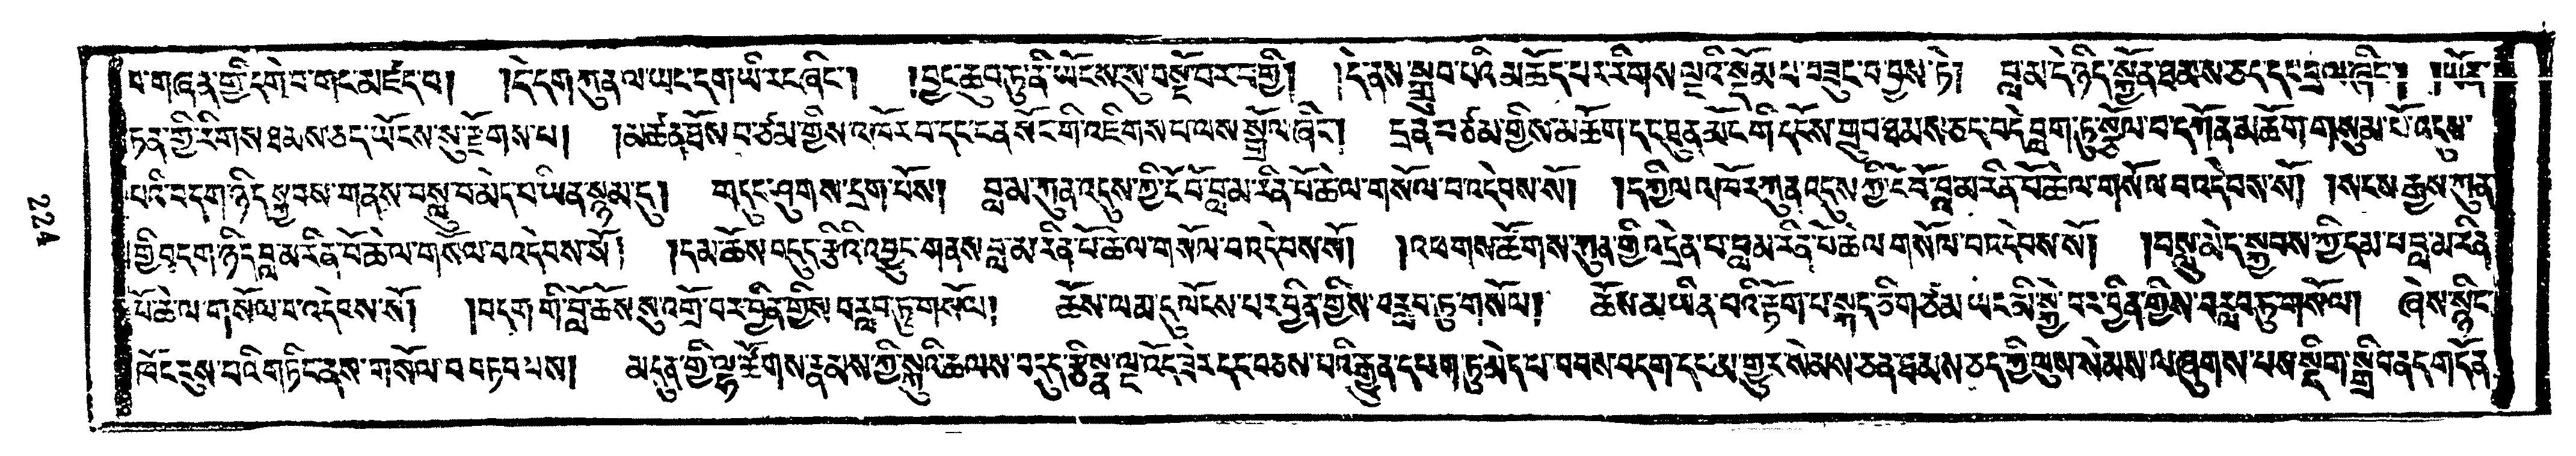བ་གཞན་གྱི་དགེ་བ་གང་མཛད་བ། །དེ་དག་ཀུན་ལ་ཡང་དག་ཡི་རང་ཞིང་། །བྱང་ཆུབ་ཏུ་ནི་ཡོངས་སུ་བསྔོ་བར་བགྱི། །དེ་ནས་སྒྲུབ་པའི་མཆོད་པར་རིགས་ལྔའི་སྡོམ་པ་བཟུང་བ་བྱས་ཏེ། བླ་མ་དེ་ཉིད་སྐྱོན་ཐམས་ཅད་དང་བྲལ་ཞིང་། །ཡོན་
ཏན་གྱི་རིགས་ཐམས་ཅད་ཡོངས་སུ་རྫོགས་པ། །མཚན་ཐོས་བ་ཙམ་གྱིས་འཁོར་བ་དང་ངན་སོང་གི་འཇིགས་པ་ལས་སྒྲོལ་ཞིང་། དྲན་བཙམ་གྱིས་མཆོག་དང་ཐུན་མོང་གི་དངོས་གྲུབ་ཐམས་ཅད་བདེ་བླག་ཏུ་སྩོལ་བ་དཀོན་མཆོག་གསུམ་པོ་འདུས་
པའི་བདག་ཉིད་སྐྱབས་གནས་བསླུ་བ་མེད་པ་ཡིན་སྙམ་དུ། གདུང་ཤུགས་དྲག་པོས། བླ་མ་ཀུན་འདུས་ཀྱི་ངོ་བོ་བླ་མ་རིན་པོ་ཆེ་ལ་གསོལ་བ་འདེབས་སོ། །དཀྱིལ་འཁོར་ཀུན་འདུས་ཀྱི་ངོ་བོ་བླ་མ་རིན་པོ་ཆེ་ལ་གསོལ་བ་འདེབས་སོ། །སངས་རྒྱས་ཀུན་
གྱི་བདག་ཉིད་བླ་མ་རིན་པོ་ཆེ་ལ་གསོལ་བ་འདེབས་སོ། །དམ་ཆོས་བདུད་རྩིའི་འབྱུང་གནས་བླ་མ་རིན་པོ་ཆེ་ལ་གསོལ་བ་འདེབས་སོ། །འཕགས་ཚོགས་ཀུན་གྱི་འདྲེན་པ་བླ་མ་རིན་པོ་ཆེ་ལ་གསོལ་བ་འདེབས་སོ། །བསླུ་མེད་སྐྱབས་ཀྱི་དམ་པ་བླ་མ་རིན་
པོ་ཆེ་ལ་གསོལ་བ་འདེབས་སོ། །བདག་གི་བློ་ཆོས་སུ་འགྲོ་བ་བྱིན་གྱིས་བརླབ་ཏུ་གསོལ། ཆོས་ལམ་དུ་ལོངས་པར་བྱིན་གྱིས་བརླབ་ཏུ་གསོལ། ཆོས་མ་ཡིན་བའི་རྟོག་པ་སྐད་ཅིག་ཙམ་ཡང་མི་སྐྱེ་བར་བྱིན་གྱིས་བརླབ་ཏུ་གསོལ། ཞེས་སྙིང་
ཁོང་རུས་པའི་གཏིང་ནས་གསོལ་བ་བཏབ་པས། མདུན་གྱི་ལྷ་ཚོགས་རྣམས་ཀྱི་སྐུའི་ཆ་ལས་བདུད་རྩི་སྣ་ལྔ་འོད་ཟེར་དང་བཅས་བའི་རྒྱུན་དཔག་ཏུ་མེད་པ་བབས་བདག་དང་མ་གྱུར་སེམས་ཅན་ཐམས་ཅད་ཀྱི་ལུས་སེམས་ལ་ཞུགས་པས་སྡིག་སྒྲིབ་ནད་གདོན་